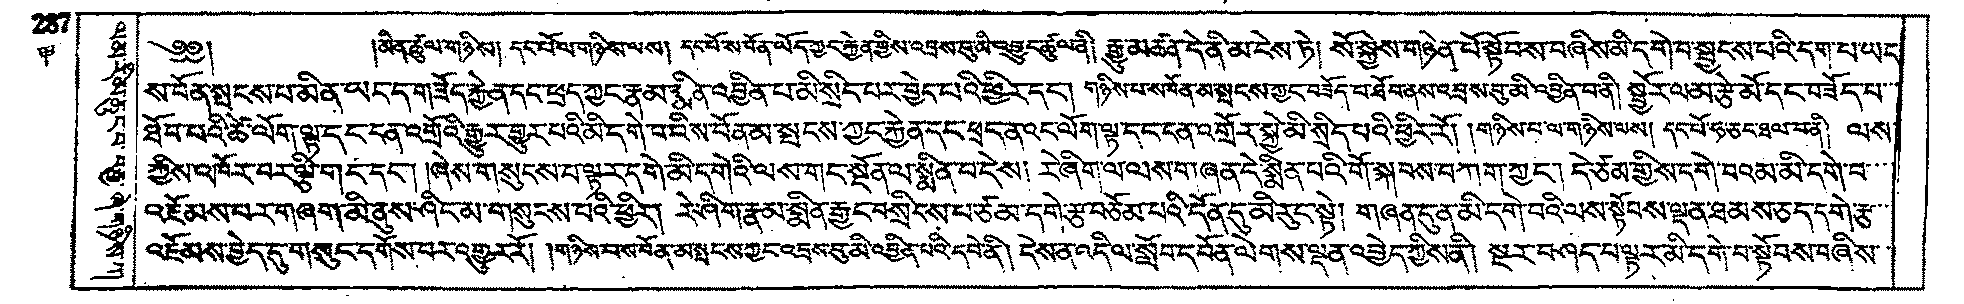༄༅། །མིན་ཚུལ་གཉིས། དང་པོ་ལ་གཉིས་ལས། དང་པོ་ས་བོན་ཡོད་ཀྱང་རྐྱེན་གྱིས་འབྲས་བུ་མི་འབྱུང་ཚུལ་ནི།  རྒྱུ་མཚན་དེ་ནི་མ་ངེས་ཏེ། སོ་སྐྱེས་གཉེན་པོ་སྟོབས་བཞིས་མི་དགེ་བ་སྦྱངས་པའི་དག་པ་ཡང་
ས་བོན་སྤངས་པ་མིན་ཡང་ད་གཟོད་རྐྱེན་དང་ཕྲད་ཀྱང་རྣམ་སྨིན་འབྱིན་པ་མི་སྲིད་པར་བྱེད་པའི་ཕྱིར་དང་། གཉིས་པ་ས་བོན་མ་སྤངས་ཀྱང་བཟོད་པ་ཐོབ་ནས་འབྲས་བུ་མི་འབྱིན་པ་ནི།  སྦྱོར་ལམ་རྩེ་མོ་དང་བཟོད་པ་
ཐོབ་པའི་ཚེ་ལོག་ལྟ་དང་ངན་འགྲོའི་རྒྱུར་གྱུར་པའི་མི་དགེ་བའི་ས་བོན་མ་སྤངས་ཀྱང་རྐྱེན་དང་ཕྲད་ན་འང་ལོག་ལྟ་དང་ངན་འགྲོར་སྐྱེ་མི་སྲིད་པའི་ཕྱིར་རོ། །གཉིས་པ་ལ་གཉིས་ལས། དང་པོ་ཧ་ཅང་ཐལ་བ་ནི།  ལས་
ཀྱིས་འཁོར་བར་ལྕི་གང་དང་། །ཞེས་གསུངས་པ་ལྟར་དགེ་མི་དགེའི་ལས་གང་སྔོན་ལ་སྨིན་པ་དེས། རེ་ཞིག་ལ་ལས་གཞན་དེ་སྨིན་པའི་གོ་སྐབས་བཀག་ཀྱང་། དེ་ཙམ་གྱིས་དགེ་བའམ་མི་དགེ་བ་
འཇོམས་པར་གཞག་མི་ནུས་ཤིང་མ་གསུངས་པའི་ཕྱིར། རེ་ཤིག་རྣམ་སྨིན་རྒྱང་བསྲིངས་པ་ཙམ་དགེ་རྩ་བཅོམ་པའི་དོན་དུ་མི་རུང་སྟེ། གཞན་དུ་ན་མི་དགེ་བའི་ལས་སྟོབས་ལྡན་ཐམས་ཅད་དགེ་རྩ་
འཇོམས་བྱེད་དུ་གསུང་དགོས་བར་འགྱུར་རོ། །གཉིས་པ་ས་བོན་མ་སྤངས་ཀྱང་འབྲས་བུ་མི་འབྱིན་པའི་དཔེ་ནི།  དེས་ན་འདི་ལ་སློབ་དཔོན་ལེགས་ལྡན་འབྱེད་ཀྱིས་ནི། སྔར་བཤད་པ་ལྟར་མི་དགེ་བ་སྟོབས་བཞིས་